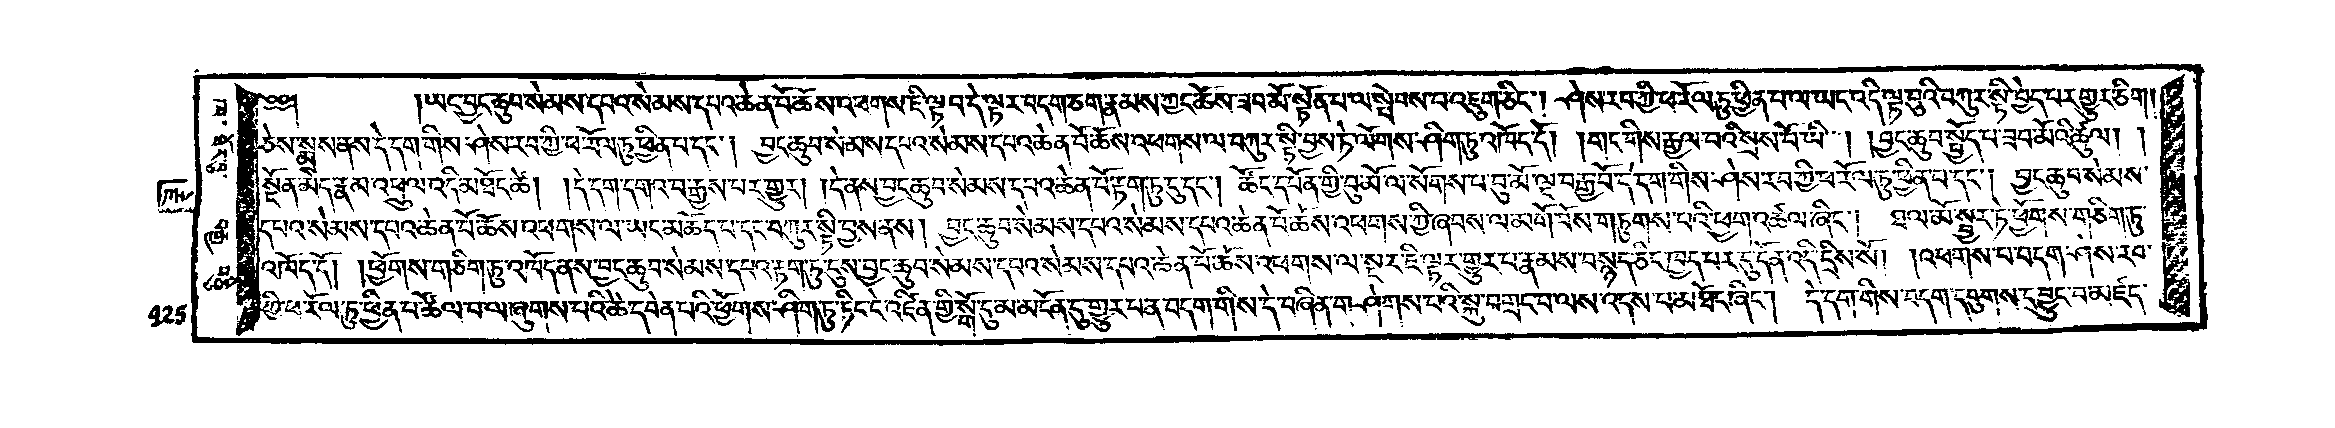༄༅། །ཡང་བྱང་ཆུབ་སེམས་དཔའ་སེམས་དཔའ་ཆེན་པོ་ཆས་འཕགས་ཇི་ལྟ་བ་དེ་ལྟར་བདག་ཅག་རྣམས་ཀྱང་ཆོས་ཟབ་མོ་སྟོན་པ་ལ་སྤེབས་པ་འཇུག་ཅིང་། ཤེས་རབ་ཀྱི་ཕ་རོལ་ཏུ་ཕྱིན་པ་ལ་ཡང་འདི་ལྟ་བུའི་བཀུར་སྟི་བྱེད་པར་གྱུར་ཅིག །
ཅེས་སྨྲས་ནས་དེ་དག་གིས་ཤེས་རབ་ཀྱི་ཕ་རོལ་ཏུ་ཕྱིན་པ་དང་། བྱང་ཆུབ་སེམས་དཔའ་སེམས་དཔའ་ཆེན་པོ་ཆོས་འཕགས་ལ་བཀུར་སྟི་བྱས་ཏེ་ལོགས་ཤིག་ཏུ་འཁོད་དོ། །གང་གིས་རྒྱལ་བའི་སྲས་པོ་ཡི། །བྱང་ཆུབ་སྤྱོད་པ་ཟབ་མོའི་ཚུལ། །
སྔོན་མེད་རྣམ་འཕྲུལ་འདི་མཐོང་ཚེ། །དེ་དག་དགའ་བ་རྒྱས་པར་གྱུར། །དེ་ནས་བྱང་ཆུབ་སེམས་དཔའ་ཆེན་པོ་རྟག་ཏུ་ངུ་དང་། ཚོང་དཔོན་གྱི་བུ་མོ་ལ་སོགས་པ་བུ་མོ་ལྔ་བརྒྱ་པོ་དེ་དག་གིས་ཤེས་རབ་ཀྱི་ཕ་རོལ་ཏུ་ཕྱིན་པ་དང་། བྱང་ཆུབ་སེམས་
དཔའ་སེམས་དཔའ་ཆེན་པོ་ཆོས་འཕགས་ལ་ཡང་མཆོད་པ་དང་བཀུར་སྟི་བྱས་ནས། བྱང་ཆུབ་སེམས་དཔའ་སེམས་དཔའ་ཆེན་པོ་ཆོས་འཕགས་ཀྱི་ཞབས་ལ་མགོ་བོས་གཏུགས་པའི་ཕྱག་འཚལ་ཞིང་། ཐལ་མོ་སྦྱར་ཏེ་ཕྱོགས་གཅིག་ཏུ་
འཁོད་དོ། །ཕྱོགས་གཅིག་ཏུ་འཁོད་ནས་བྱང་ཆུབ་སེམས་དཔའ་རྟག་ཏུ་ངུས་བྱང་ཆུབ་སེམས་དཔའ་སེམས་དཔའ་ཆེན་པོ་ཆོས་འཕགས་ལ་སྔར་ཇི་ལྟར་གྱུར་པ་རྣམས་བསྙད་ཅིང་ཁྱད་པར་དུ་དོན་འདི་དྲིས་སོ། །འཕགས་པ་བདག་ཤེས་རབ་
ཀྱི་ཕ་རོལ་ཏུ་ཕྱིན་པ་ཚོལ་བ་ལ་ཞུགས་པའི་ཚེ་དབེན་པའི་ཕྱོགས་ཤིག་ཏུ་ཏིང་ངེ་འཛིན་གྱི་སྒོ་དུ་མ་མངོན་དུ་གྱུར་པ་ན་བདག་གིས་དེ་བཞིན་གཤེགས་པའི་སྐུ་བགྲང་བ་ལས་འདས་པ་མཐོང་ཞིང་། དེ་དག་གིས་བདག་དབུགས་དབྱུང་བ་མཛད་